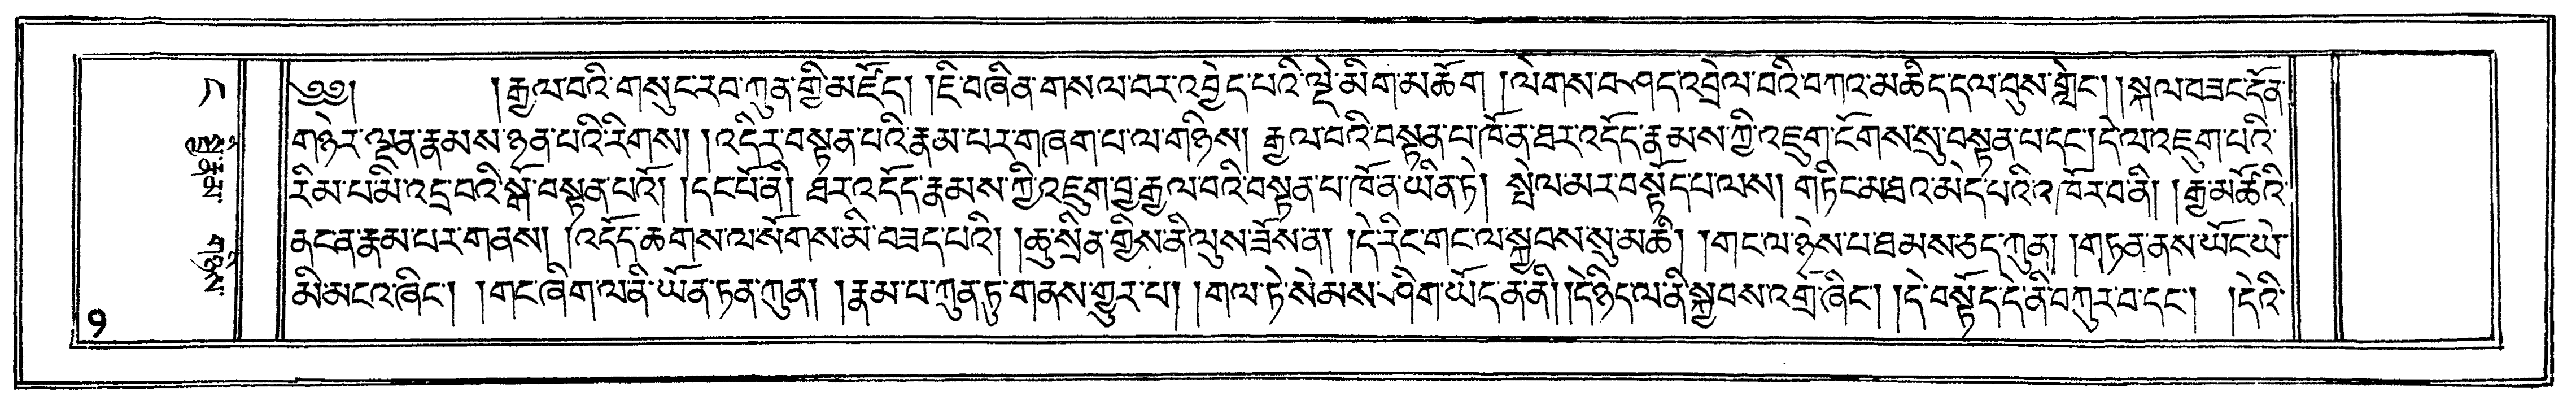༄༅། །རྒྱལ་བའི་གསུང་རབ་ཀུན་གྱི་མཛོད། །ཇི་བཞིན་གསལ་བར་འབྱེད་པའི་ལྡེ་མིག་མཆོག །ལེགས་བཤད་འབྲེལ་བའི་བཀའ་མཆིད་དལ་བུས་གླེང་། །སྐལ་བཟང་དོན་
གཉེར་ལྡན་རྣམས་ཉན་པའི་རིགས། །འདིར་བསྟན་པའི་རྣམ་པར་གཞག་པ་ལ་གཉིས། རྒྱལ་བའི་བསྟན་པ་ཁོ་ན་ཐར་འདོད་རྣམས་ཀྱི་འཇུག་ངོགས་སུ་བསྟན་པ་དང་། དེ་ལ་འཇུག་པའི་
རིམ་པ་མི་འདྲ་བའི་སྒོ་བསྟན་པའོ། །དང་པོ་ནི། ཐར་འདོད་རྣམས་ཀྱི་འཇུག་བྱ་རྒྱལ་བའི་བསྟན་པ་ཁོ་ན་ཡིན་ཏེ། སྤེལ་མར་བསྟོད་པ་ལས། གཏིང་མཐའ་མེད་པའི་འཁོར་བ་ནི། །རྒྱ་མཚོའི་
ནང་ན་རྣམ་པར་གནས། །འདོད་ཆགས་ལ་སོགས་མི་བཟད་པའི། །ཆུ་སྲིན་གྱིས་ནི་ལུས་ཟོས་ན། །དེ་རིང་གང་ལ་སྐྱབས་སུ་མཆི། །གང་ལ་ཉེས་པ་ཐམས་ཅད་ཀུན། །གཏན་ནས་ཡོང་ཡེ་
མི་མངའ་ཞིང་། །གང་ཞིག་ལ་ནི་ཡོན་ཏན་ཀུན། །རྣམ་པ་ཀུན་ཏུ་གནས་གྱུར་པ། །གལ་ཏེ་སེམས་ཤིག་ཡོད་ན་ནི། །དེ་ཉིད་ལ་ནི་སྐྱབས་འགྲོ་ཞིང་། །དེ་བསྟོད་དེ་ནི་བཀུར་བ་དང་། །དེའི་